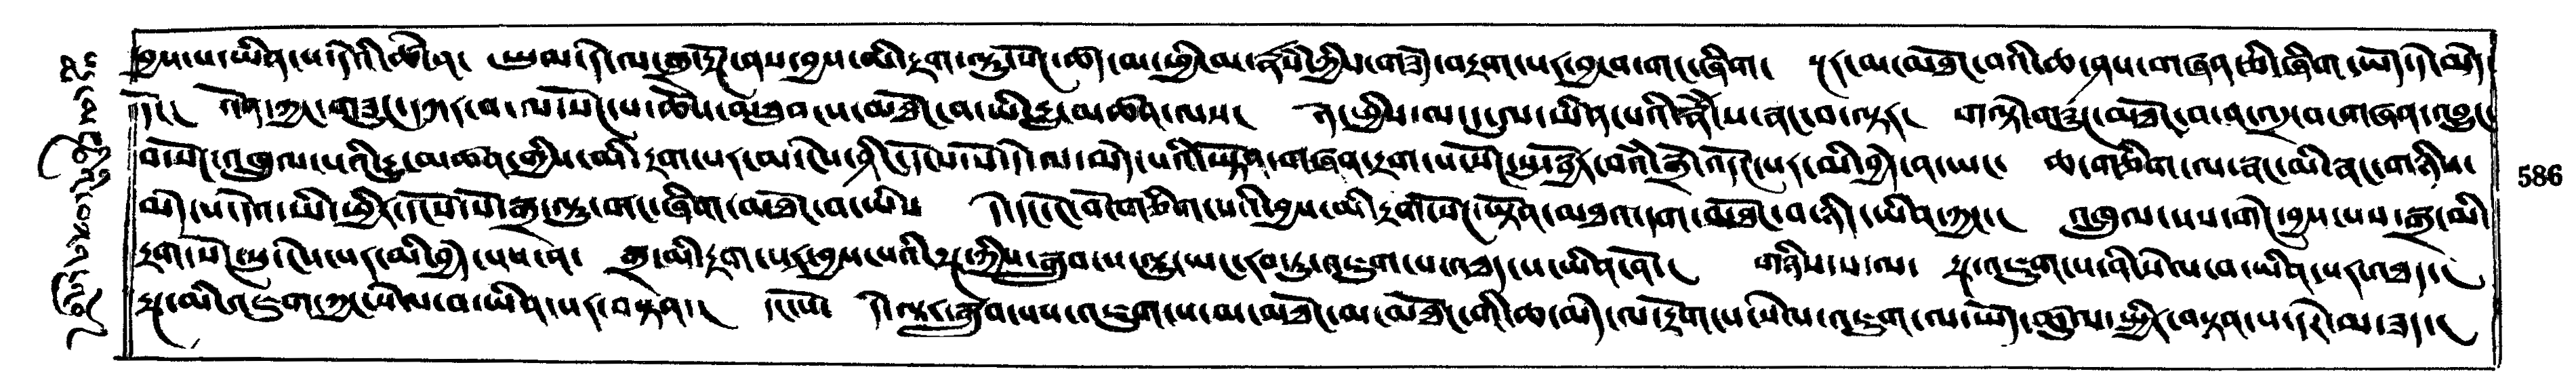བྱས་པ་ཡིན་པ་དེའི་ཚེ་ན། ཡུལ་དེ་ལ་སྒྲ་རྟོགས་ནས་བྱས་མི་རྟག་ལྟ་བུ་སོགས་ཚད་མ་ཕྱི་མ་རྣམས་ཀྱིས་གཟོད་བརྟག་པར་བྱ་བ་གང་ཞིག སྔར་མ་མཐོང་བའི་ཆ་ཤས་གཞན་ཅི་ཞིག་ཡོད་དེ་མེད་
དོ།། འོན་ཀྱང་གཟུགས་དཀར་བ་ལ་སོགས་པ་ཆོས་མཐུན་པ་མཐོང་བའྀ་རྒྱུ་མཚན་ལས། ཉ་ཕྱིས་ལ་དངུལ་ཡིན་པའི་རྣམ་པ་སྣང་བ་ལྟར། གལ་ཏེ་གཟུགས་མཐོང་བ་ན་འདྲ་བ་གཞན་འབྱུང་
བ་སོགས་འཁྲུལ་པའི་རྒྱུ་མཚན་གྱིས་མི་རྟག་པར་མ་ངེས་ཤིང་དངོས་པོ་དེ་ལ་མེད་པའི་ཡོན་ཏན་གཞན་རྟག་པ་སོགས་སུ་སྦྱོར་བའམ་སྒྲོ་འདོགས་པར་མི་བྱེད་ན་ཡང་།ཆ་གཅིག་ལ་སྣང་མི་སྣང་གཉིས་
མེད་པ་དེའི་ཕྱིར་དངོས་པོ་སྒྲ་ལྟ་བུ་གང་ཞིག་མཐོང་བ་ཡིས། དེ་དང་ངོ་བོ་གཅིག་པའི་བྱས་མི་རྟག་སོགས་ཡོན་ཏན་མཐའ་དག་མཐོང་བ་ཉིད་ཡིན་ཡང་། འཁྲུལ་པས་གེགས་བྱས་པས་སྒྲ་མི་
རྟག་སོགས་སུ་ངེས་པར་མི་བྱེད་པས་ན། སྒྲ་མི་རྟག་པར་བྱས་པའི་རྟགས་ཀྱིས་སྒྲུབ་པ་ལྟ་བུ་ཡང་རབ་ཏུ་འཇུག་པ་འཐད་པ་ཡིན་ནོ།། གཉིས་པ་ལ། རྟགས་འཇུག་པ་ནི་སེལ་བ་ཡིན་པར་འཐད། །
རྟགས་མི་འཇུག་ཀྱང་སེལ་བ་ཡིན་པར་བསྟན། །དང་པོ། དེ་ལྟར་སྒྲུབ་པས་འཇུག་པ་མ་མཐོང་བའི་ཆ་མེད་ལ་རྟོག་པ་སེལ་འཇུག་ལ་ཡོད་ཚུལ་སྤྱིར་བསྟན་པ་དེར་མ་ཟད།